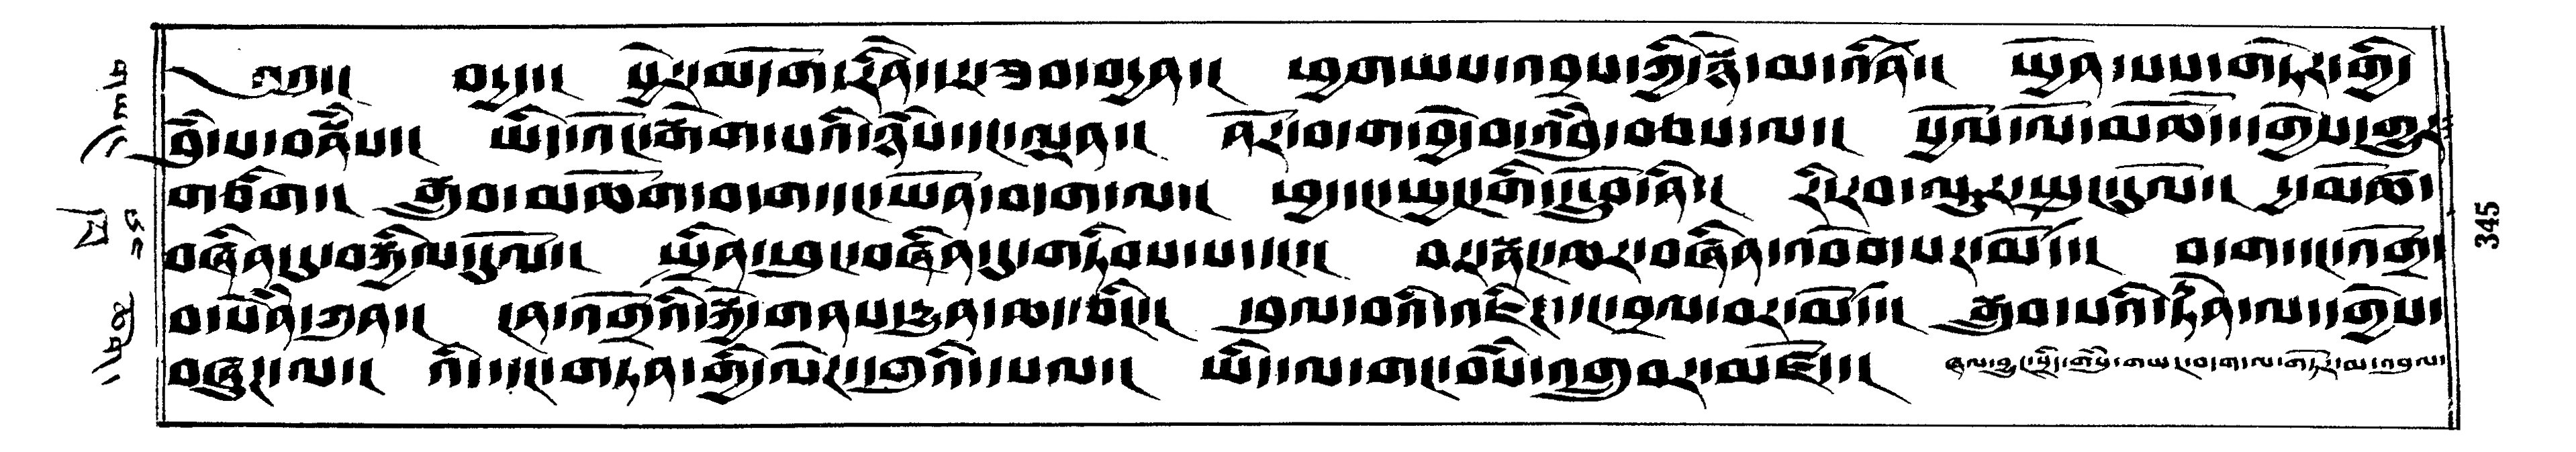བརྒྱད། གསེར་མདོག་རིན་ཆེན་དར་ཟབ་བརྒྱན། །ཕྱག་གཡས་འབྲས་ཀྱི་སྙེ་མ་འཛིན། །གཡོན་པས་གཏེར་གྱི་
བུམ་པ་བསྣམས། །ཡིད་འོང་སྒེག་པའི་ཉམས་དང་ལྡན། །ནོར་བདག་བྱེ་བ་འབུམ་བཅས་ལ། །གསོལ་ལོ་མཆོད་དོ་དགྱེས་གྱུར་
།སྒྲུབ་མཆོག་བདག་དང་ཡོན་བདག་ལ། །ཕྱྭ་དང་གཡང་གི་དངོས་གྲུབ་ནི། །རི་རབ་ལྟ་བུར་སྤུང་དུ་གསོལ། །རྒྱ་མཚོ་
བཞིན་དུ་བསྐྱིལ་དུ་གསོལ། །སྤྲིན་ཕུང་བཞིན་དུ་གཏིབས་པ་དང་། །བར་སྣང་ཆར་བཞིན་འབེབས་པར་མཛོད། །བདག་དང་འགྲོ་
བ་སེམས་ཅན་ཀུན། །ངན་འགྲོའི་སྐྱེ་གནས་རྒྱུན་ཆད་ཅིང་། །དབུལ་བའི་འཇིགས་དང་བྲལ་བར་མཛོད། །སྒྲུབ་པའི་རྟེན་ལ་དགྱེས་
བཞུགས་ལ། །འདི་དང་གཏན་གྱི་ལེགས་དགུའི་དཔལ། །ཡིད་ལ་གང་བསམ་འགྲུབ་པར་མཛོད།ཞར་བྱུང་སྲིད་གསུམ་གཡང་བདག་ལ་གཏོར་མ་འབུལ་